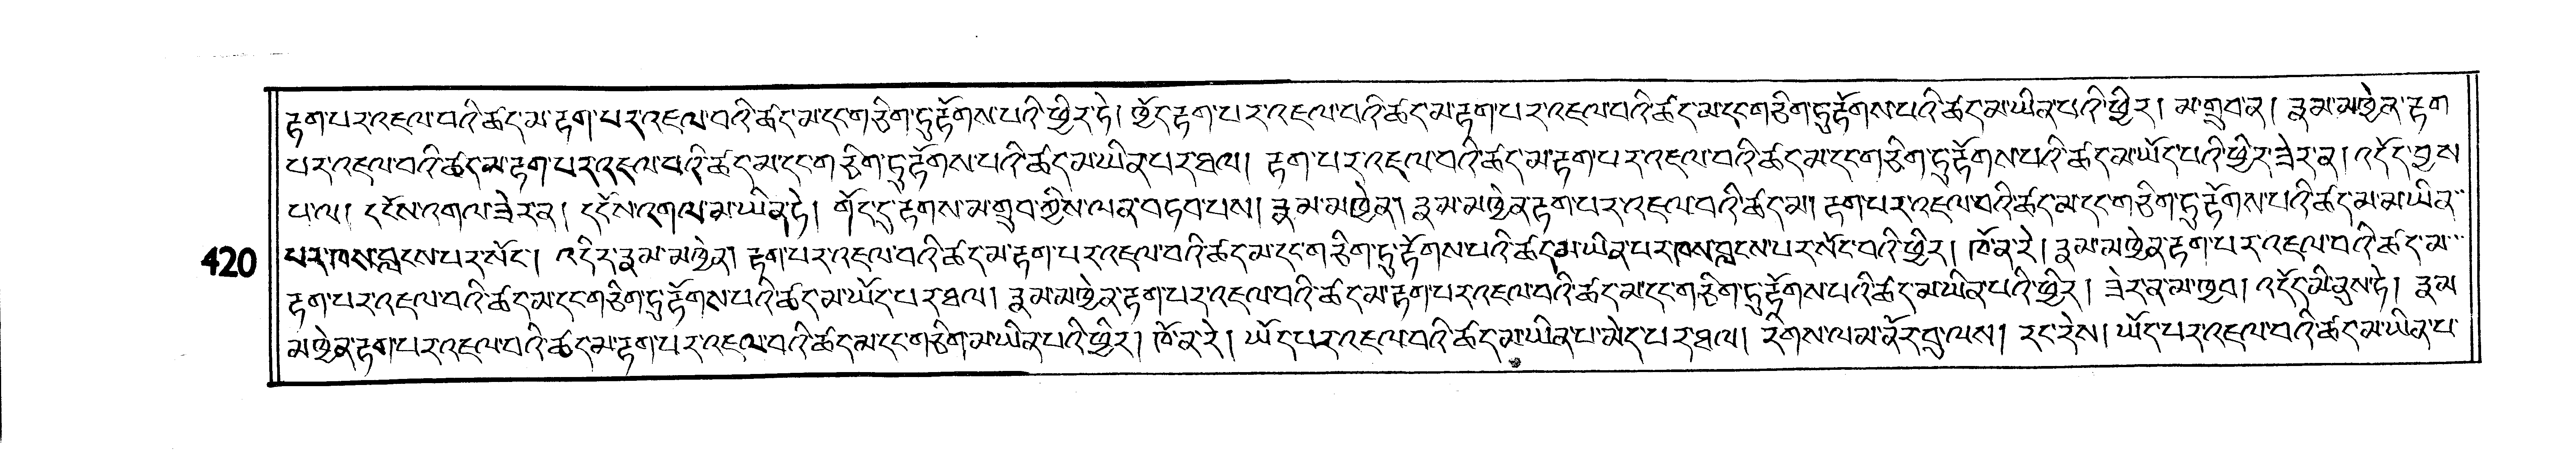རྟག་པར་འཇལ་བའི་ཚད་མ་རྟག་པར་འཇལ་བའི་ཚད་མ་དང་གཅིག་ཏུ་རྟོག་པའི་ཕྱིར། ཁྱོད་རྟག་པར་འཇལ་བའི་ཚད་མ་རྟག་པར་འཇལ་བའི་ཚད་མ་དང་གཅིག་ཏུ་རྟོགས་པའི་ཚད་མ་ཡིན་པའི་ཕྱིར། མ་གྲུབ་ན། རྣམ་མཁྱེན་རྟག་
པར་འཇལ་བའི་ཚད་མ་རྟག་པར་འཇལ་བའི་ཚད་མ་དང་གཅིག་ཏུ་རྟོགས་པའི་ཚད་མ་ཡིན་པའི་ཐལ། རྟག་པར་འཇལ་བའི་ཚད་མ་རྟག་པར་འཇལ་བའི་ཚད་མ་དང་གཅིག་ཏུ་རྟོག་པའི་ཚད་མ་ཡོད་པའི་ཕྱིར་ཟེར་ན། འདོད་བྱས་
པ་ལ། དངོས་འགལ་ཟེར་ན། དངོས་འགལ་མ་ཡིན་ཏེ། གོང་དུ་རྟགས་མ་གྲུབ་ཀྱིས་ལན་བཏབ་པས། རྣམ་མཁྱེན། རྣམ་མཁྱེན་རྟག་པར་འཇལ་བའི་ཚད་མ། རྟག་པར་འཇལ་བའི་ཚད་མ་དང་གཅིག་ཏུ་རྟོགས་པའི་ཚད་མ་མ་ཡིན་
པར་ཁས་བླངས་པར་སོང་། འདིར་རྣམ་མཁྱེན། རྟག་པར་འཇལ་བའི་ཚད་མ་རྟག་པར་འཇལ་བའི་ཚད་མ་དང་གཅིག་ཏུ་རྟོགས་པའི་ཚད་མ་ཡིན་པར་ཁས་བླངས་པར་སོང་བའི་ཕྱིར། ཁོ་ན་རེ། རྣམ་མཁྱེན་རྟག་པར་འཇལ་བའི་ཚད་མ་
རྟག་པར་འཇལ་བའི་ཚད་མ་དང་གཅིག་ཏུ་རྟོགས་པའི་ཚད་མ་ཡོད་པར་ཐལ། རྣམ་མཁྱེན་རྟག་པར་འཇལ་བའི་ཚད་མ་རྟག་པར་འཇལ་བའི་ཚད་མ་དང་གཅིག་ཏུ་རྟོགས་པའི་ཚད་མ་ཡིན་པའི་ཕྱིར། ཟེར་ན་མ་ཁྱབ། འདོད་མི་ནུས་ཏེ། རྣམ་
མཁྱེན་རྟག་པར་འཇལ་པའི་ཚད་མ་རྟག་པར་འཇལ་བའི་ཚད་མ་དང་གཅིག་མ་ཡིན་པའི་ཕྱིར། ཁོ་ན་རེ། ཡོད་པར་འཇལ་བའི་ཚད་མ་ཡིན་པ་མེད་པར་ཐལ། རིགས་ལམ་ནོར་བུ་ལས། རང་རེས། ཡོད་པར་འཇལ་བའི་ཚད་མ་ཡིན་པ་